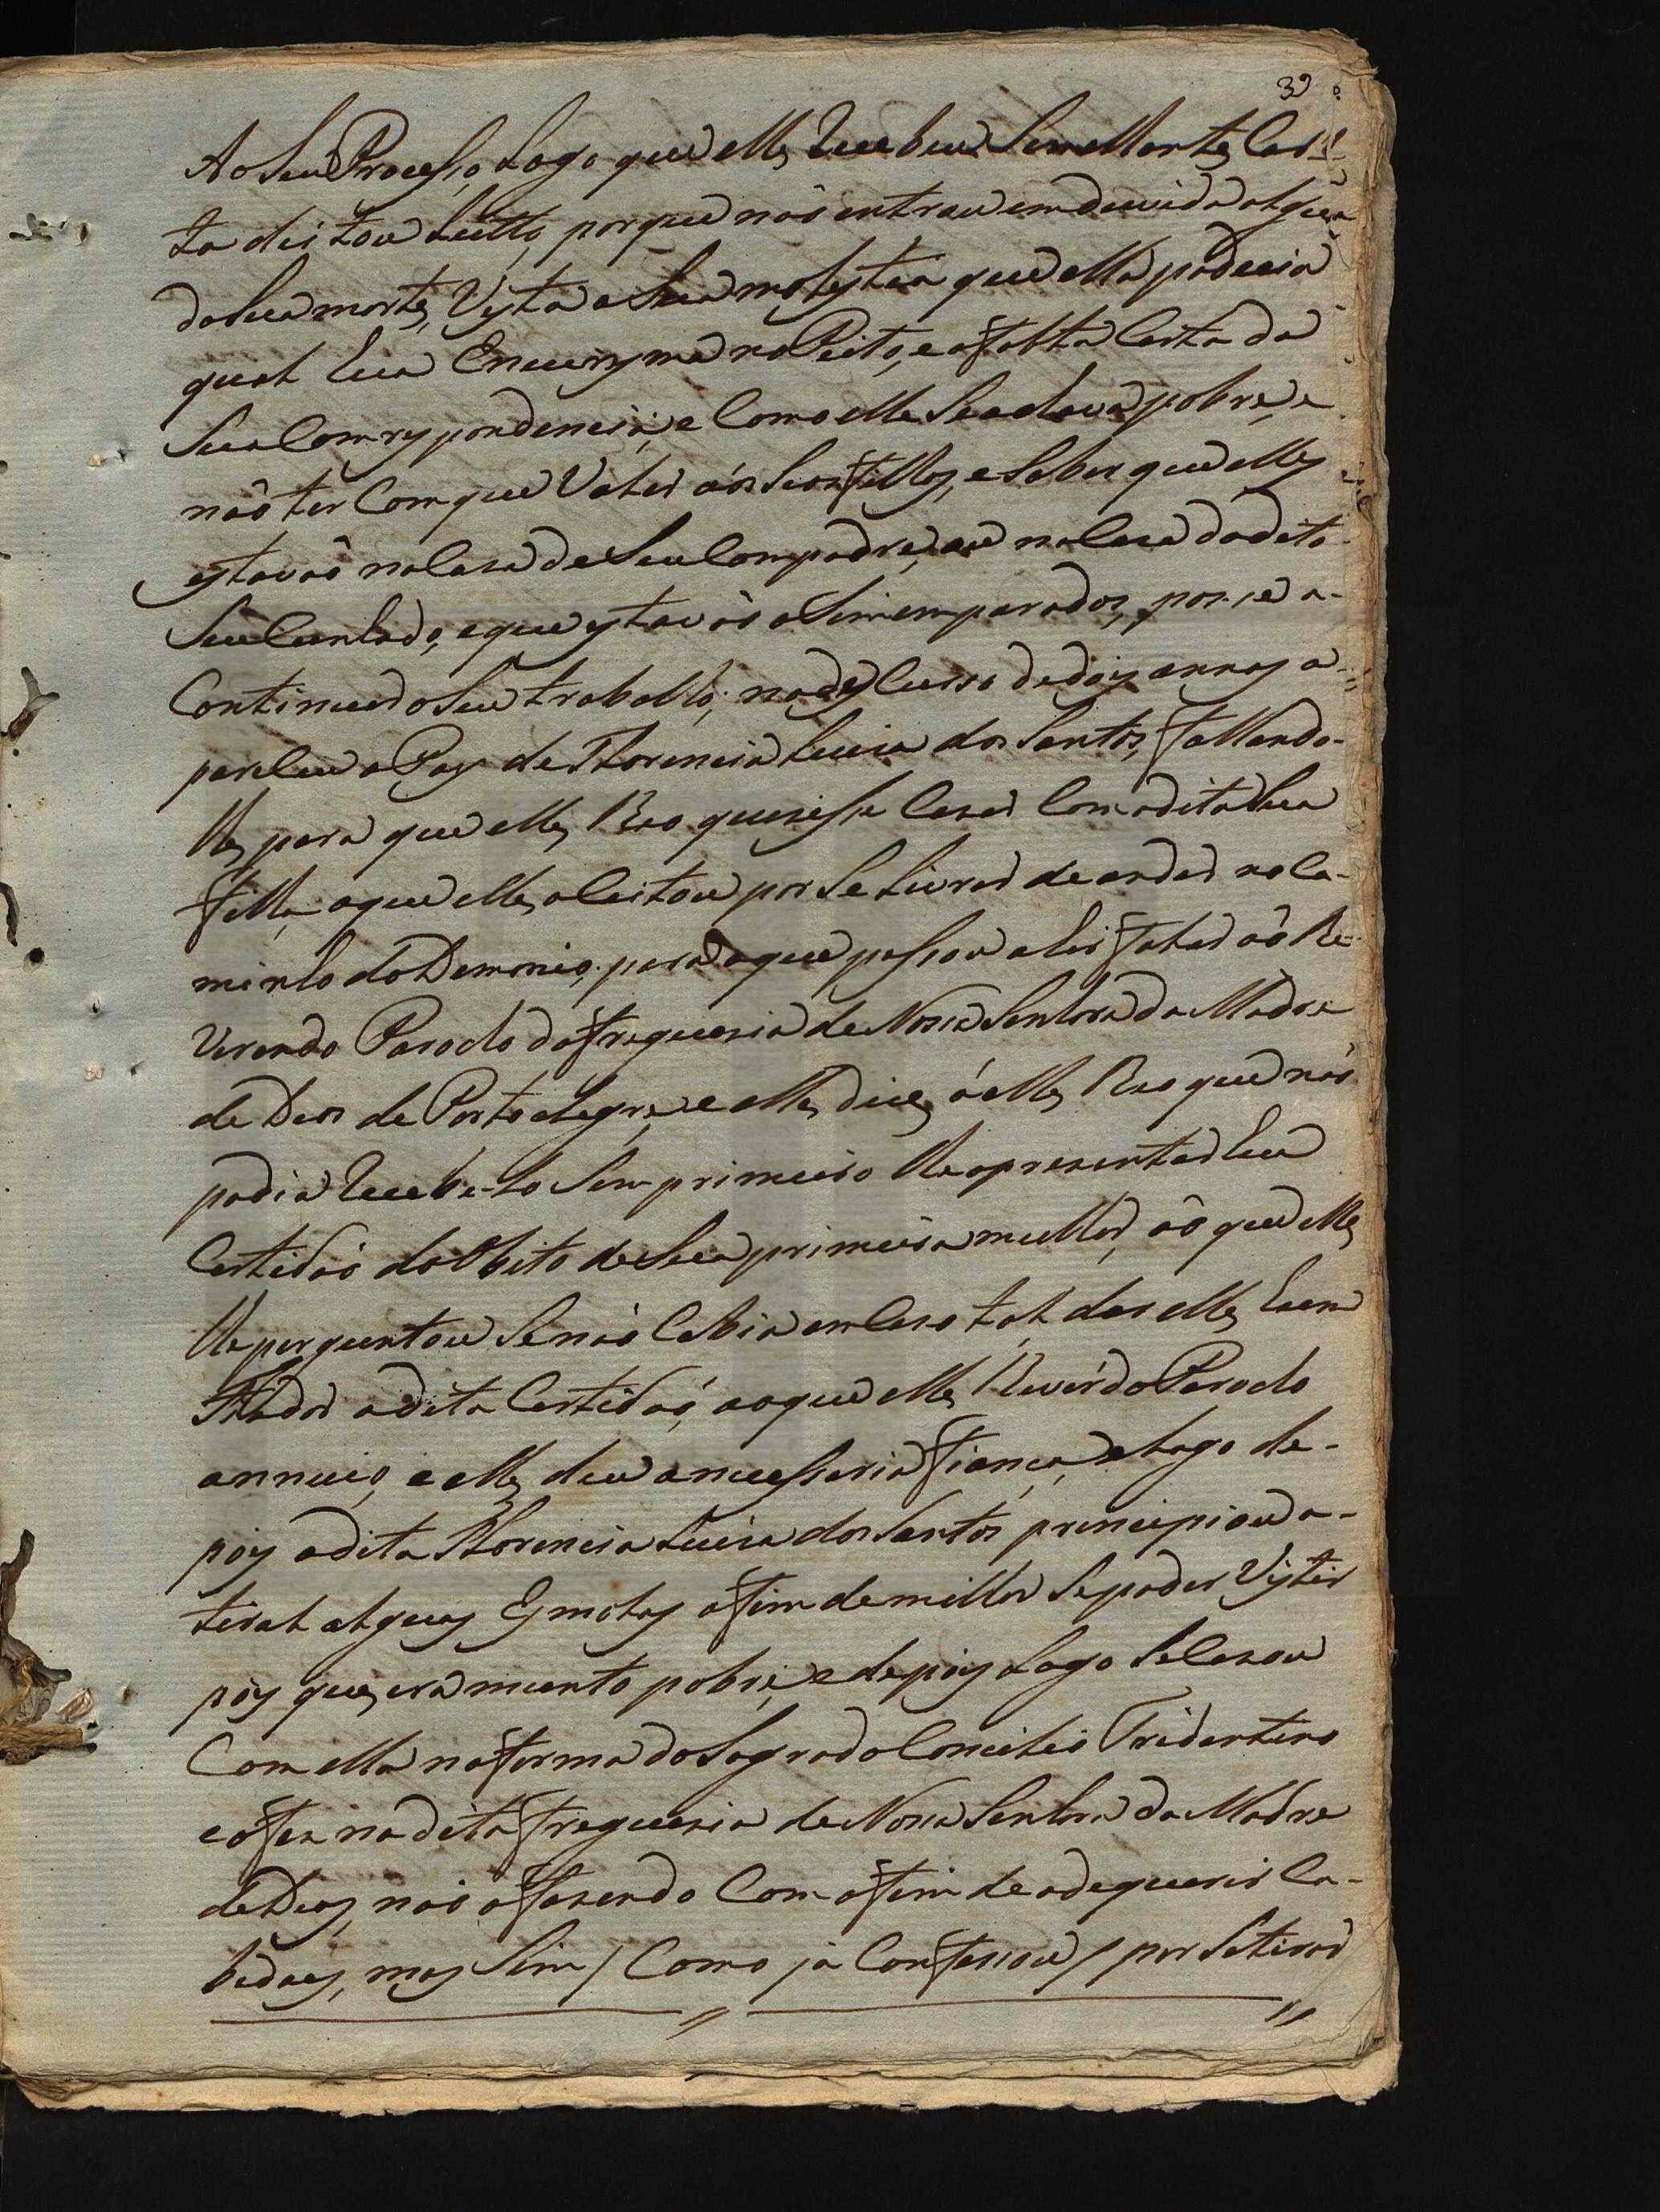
Ao Seu Processo, Logo que elle Recebeu Semelhante Car
ta deitou Lutto, porque naõ entrou em duvida algu
da Sua morte, Vista a Sua molestia que ella padecia
qual hua Eneurysma no Peito, e a falta Certa da
Sua Comrespondencia, e Como elle Se achava pobre, e
naõ ter Com que VaLer aós Seos filhos, e Saber que elles
estavaõ na Caza do Seu Compadre, ou na Caza do dito
Seu Cunhado, e que estavaõ aSim emparados, pos-se a
Continuar o Seu trabalho; no deCurso de dois annos a
pareCeu o Pay de Florencia Luiza dos Santos, fallando
lhe para que elle Reo quezesse Cazar Com o dita Sua
filha, o que elle aCeitou por Se Livrar de andar no Ca
minho do Demonio; para o que passou a hir falar aõ Re
Verendo Parocho da freguezia de Nossa Senhora da Madre
de Deos de Porto alegre, e elle dice á elle, Reo que naõ
podia Recebe-Lo Sem primeiro lhe aprezentar hua
Certidaõ do Obito de Sua primeira mulher, aõ que elle
lhe perguntou Se naõ Cabia em Caso taL dar elle hum
Fiador a dita Certidaõ, ao que elle Rever̄do Parocho
annuio, e elle deu a necessaria fiança, e Logo de
pois a dita Florencia Luiza dos Santos principiou a
tiral alguas Esmolas a fim de milhor Se poder Vistir
pois que era munto pobre, e depois Logo se Cazou
Com ella na forma do Sagrado Concilio Tridentino
e o fez na dita freguezia de Nossa Senhora da Madre
de Deos, naõ o fazendo Com o fim de adequerir Ca
bedaes, mas Sim / Como ja Confessou / por Se tirar
